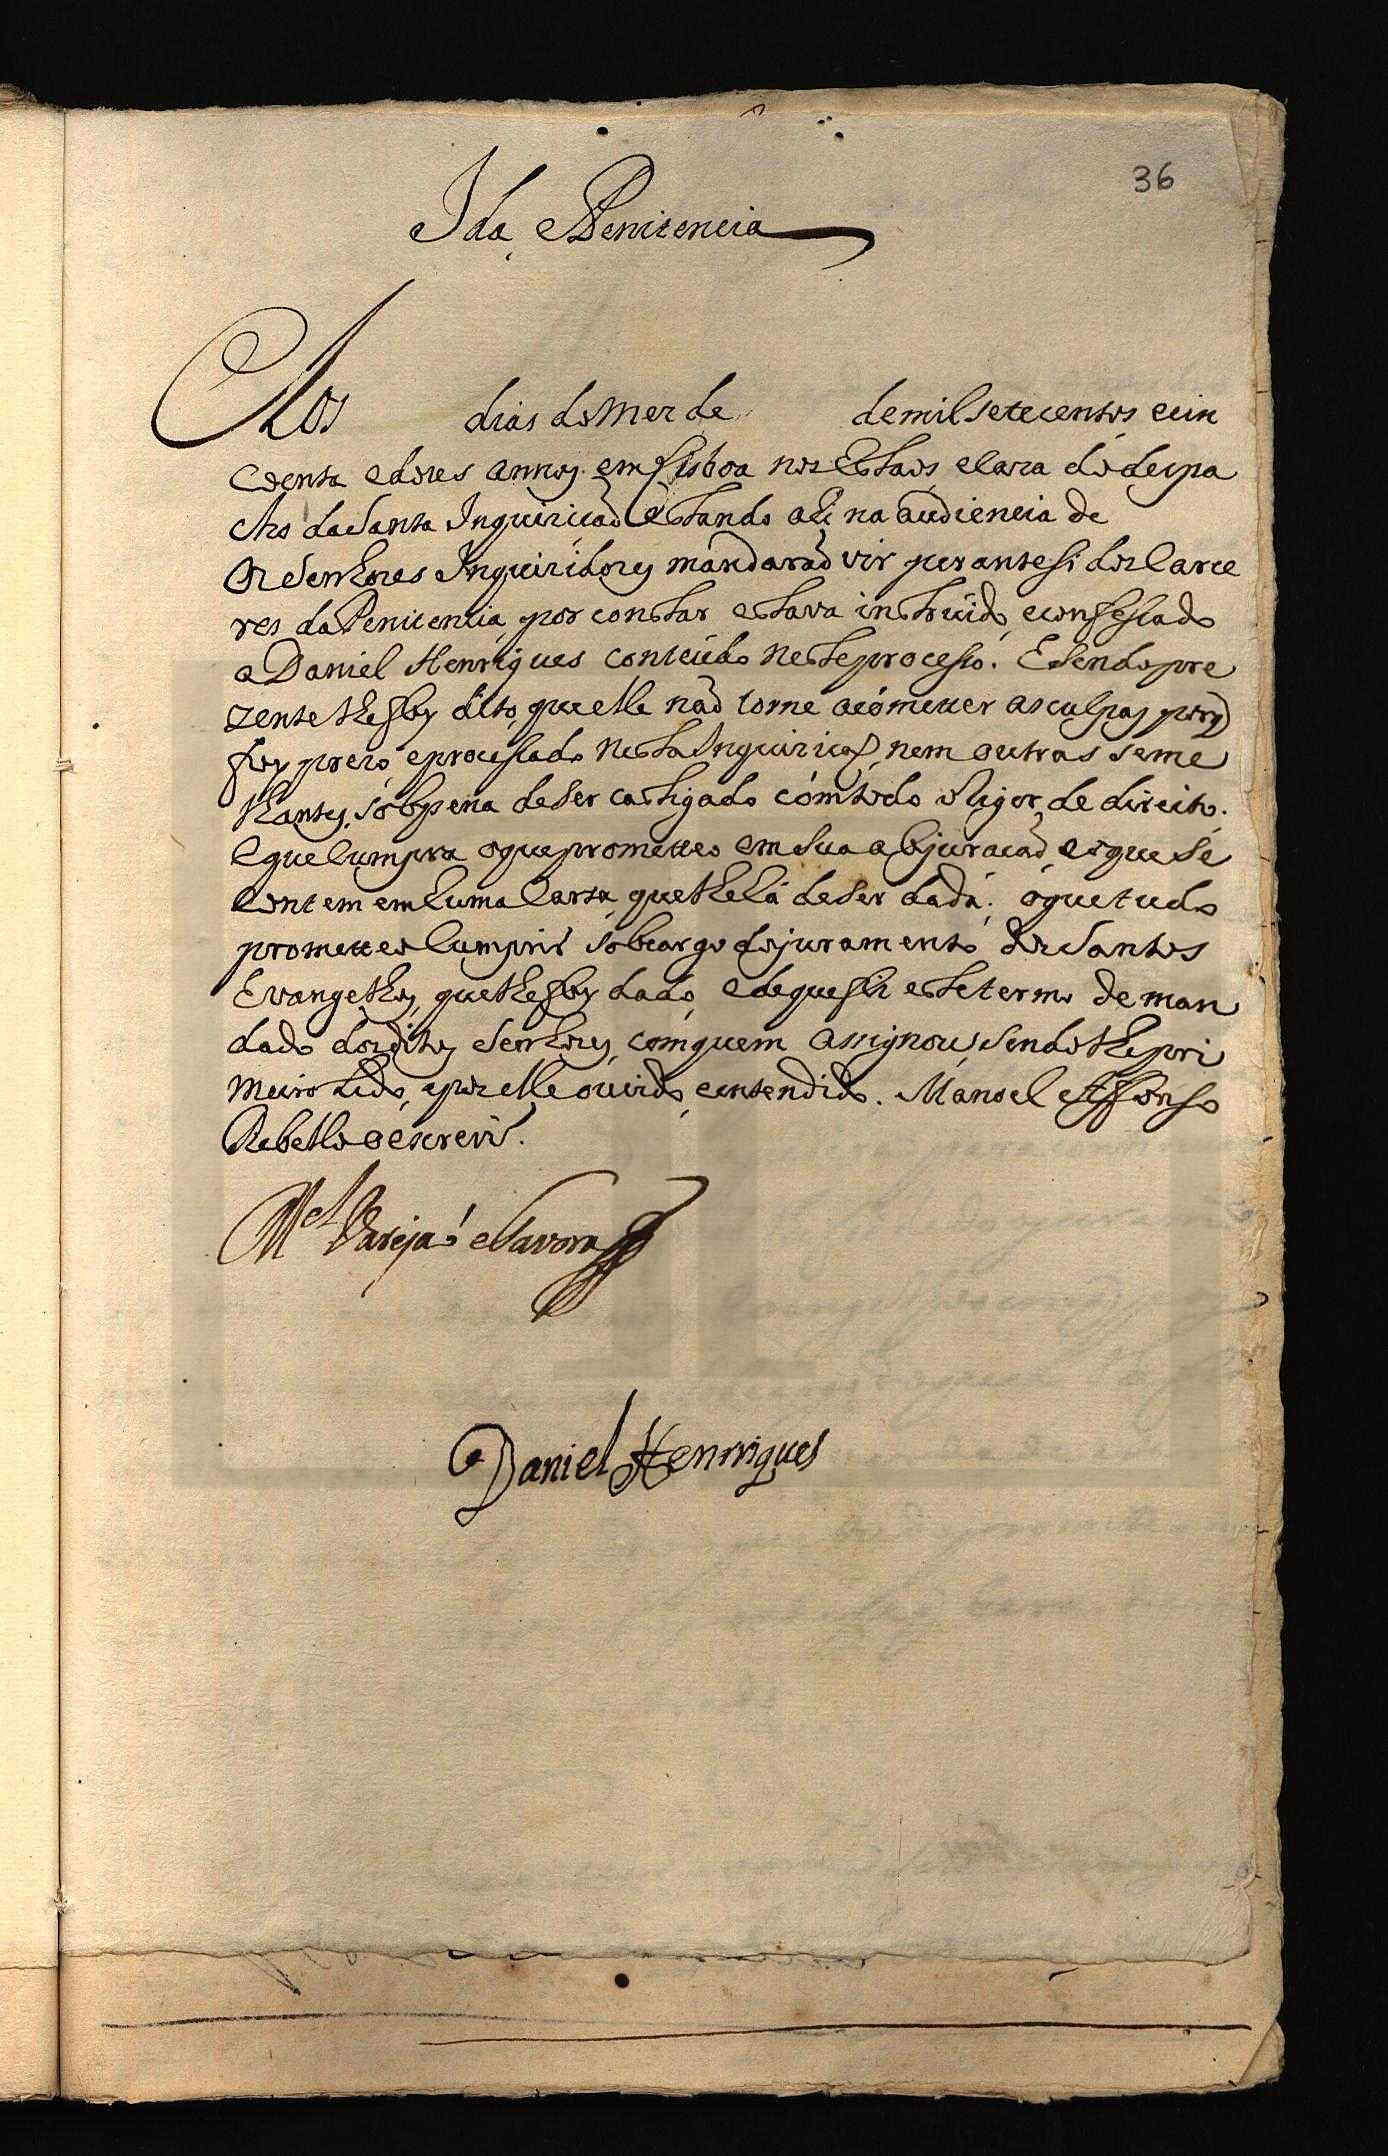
Ida, e Penitencia
Aos dias do mez de de mil setecentos e cin
coenta e dous annos em Lisboa nos Estaos e caza do despa
cho da Santa Inquiziçaõ estando ahi na audiencia de
Os Senhores Inquizidores mandaraõ vir perante si dos Carce
res da Penitencia por constar estava instruido, e confessado
a Daniel Henriques conteudo neste processo. E sendo pre
zente lhe foy dito, que elle naõ torne a cometter as culpas porq̄
foy prezo, e processado nesta Inquiziçaõ, nem outras seme
lhantes, sob pena de ser castigado com todo o Rigor de direito.
E que cumpra o que prometteo em sua abjuraçaõ, e o que se
contem em huma Carta, que lhe há de ser dada; o que tudo
prometteo Cumprir sob cargo do juramento dos Santos
Evangelhos, que lhe foy dado, e de que fiz este termo de man
dado dos ditos Senhores, com quem assignou, sendo lhe pri
meiro Lido, e por elle ouvido, e entendido. Manoel Affonso
Rebello o escrevi.
M.el Varejaõ e Tavora
Daniel Henrriques
